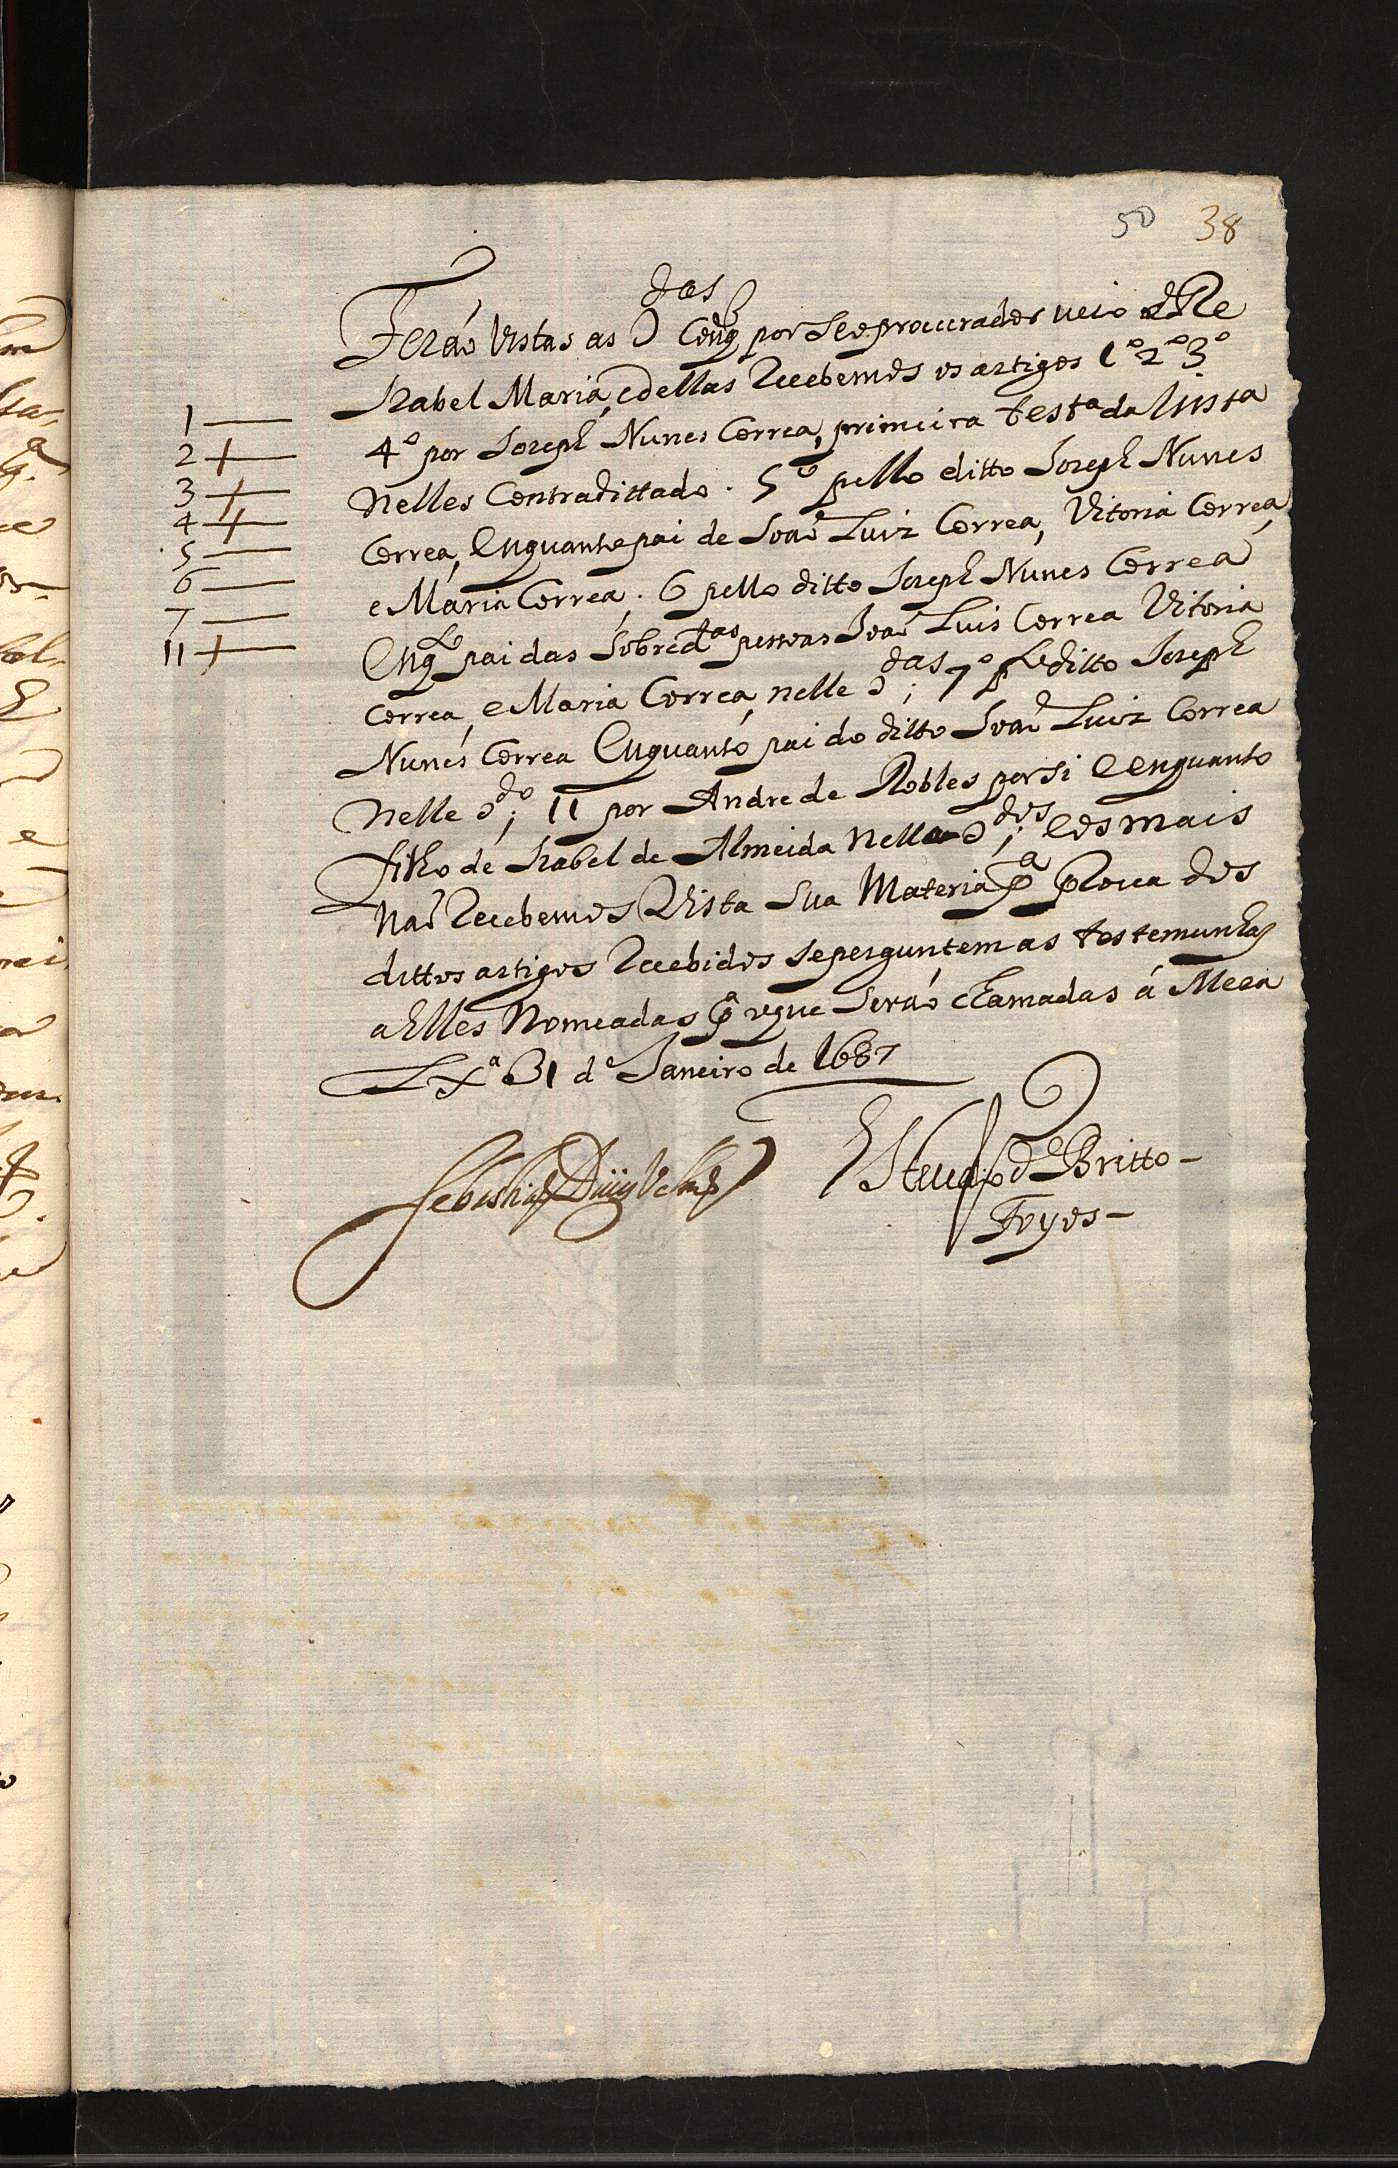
Foraõ Vistas as ꝯdas Con q̄ por seo procurador ueio a Re
Izabel Maria, e dellas Recebemos os artigos 1o 2o 3o
4o por Iozeph Nunes Correa, primeira testa da Iusta
Nelles Contradittado. 5o pello ditto Iozeph Nunes
Correa, Enquanto pai de Ioaõ Luiz Correa, Vitoria Correa,
e Maria Correa; E pello ditto Iozeph Nunes Correa
Enqto pai das Sobred̄as pessoas Ioaõ Luis Correa Vitoria
correa, e Maria Correa, nelle ꝯdas; 7o plo ditto Iozeph
Nunes Correa Enquanto pai do ditto Ioaõ Luiz Correa
Nelle ꝯdo; 11 por Andre de Robles por si e enquanto
filho de Izabel de Almeida nella ꝯdos; e os mais
naõ Recebemos Vista Sua Materia pa pRoua dos
dittos artigos Recebidos se perguntem as testemunhas
a Elles Nomeadas pa o que Seraõ chamadas á Meza
LXa 31 de Ianeiro de 1687
